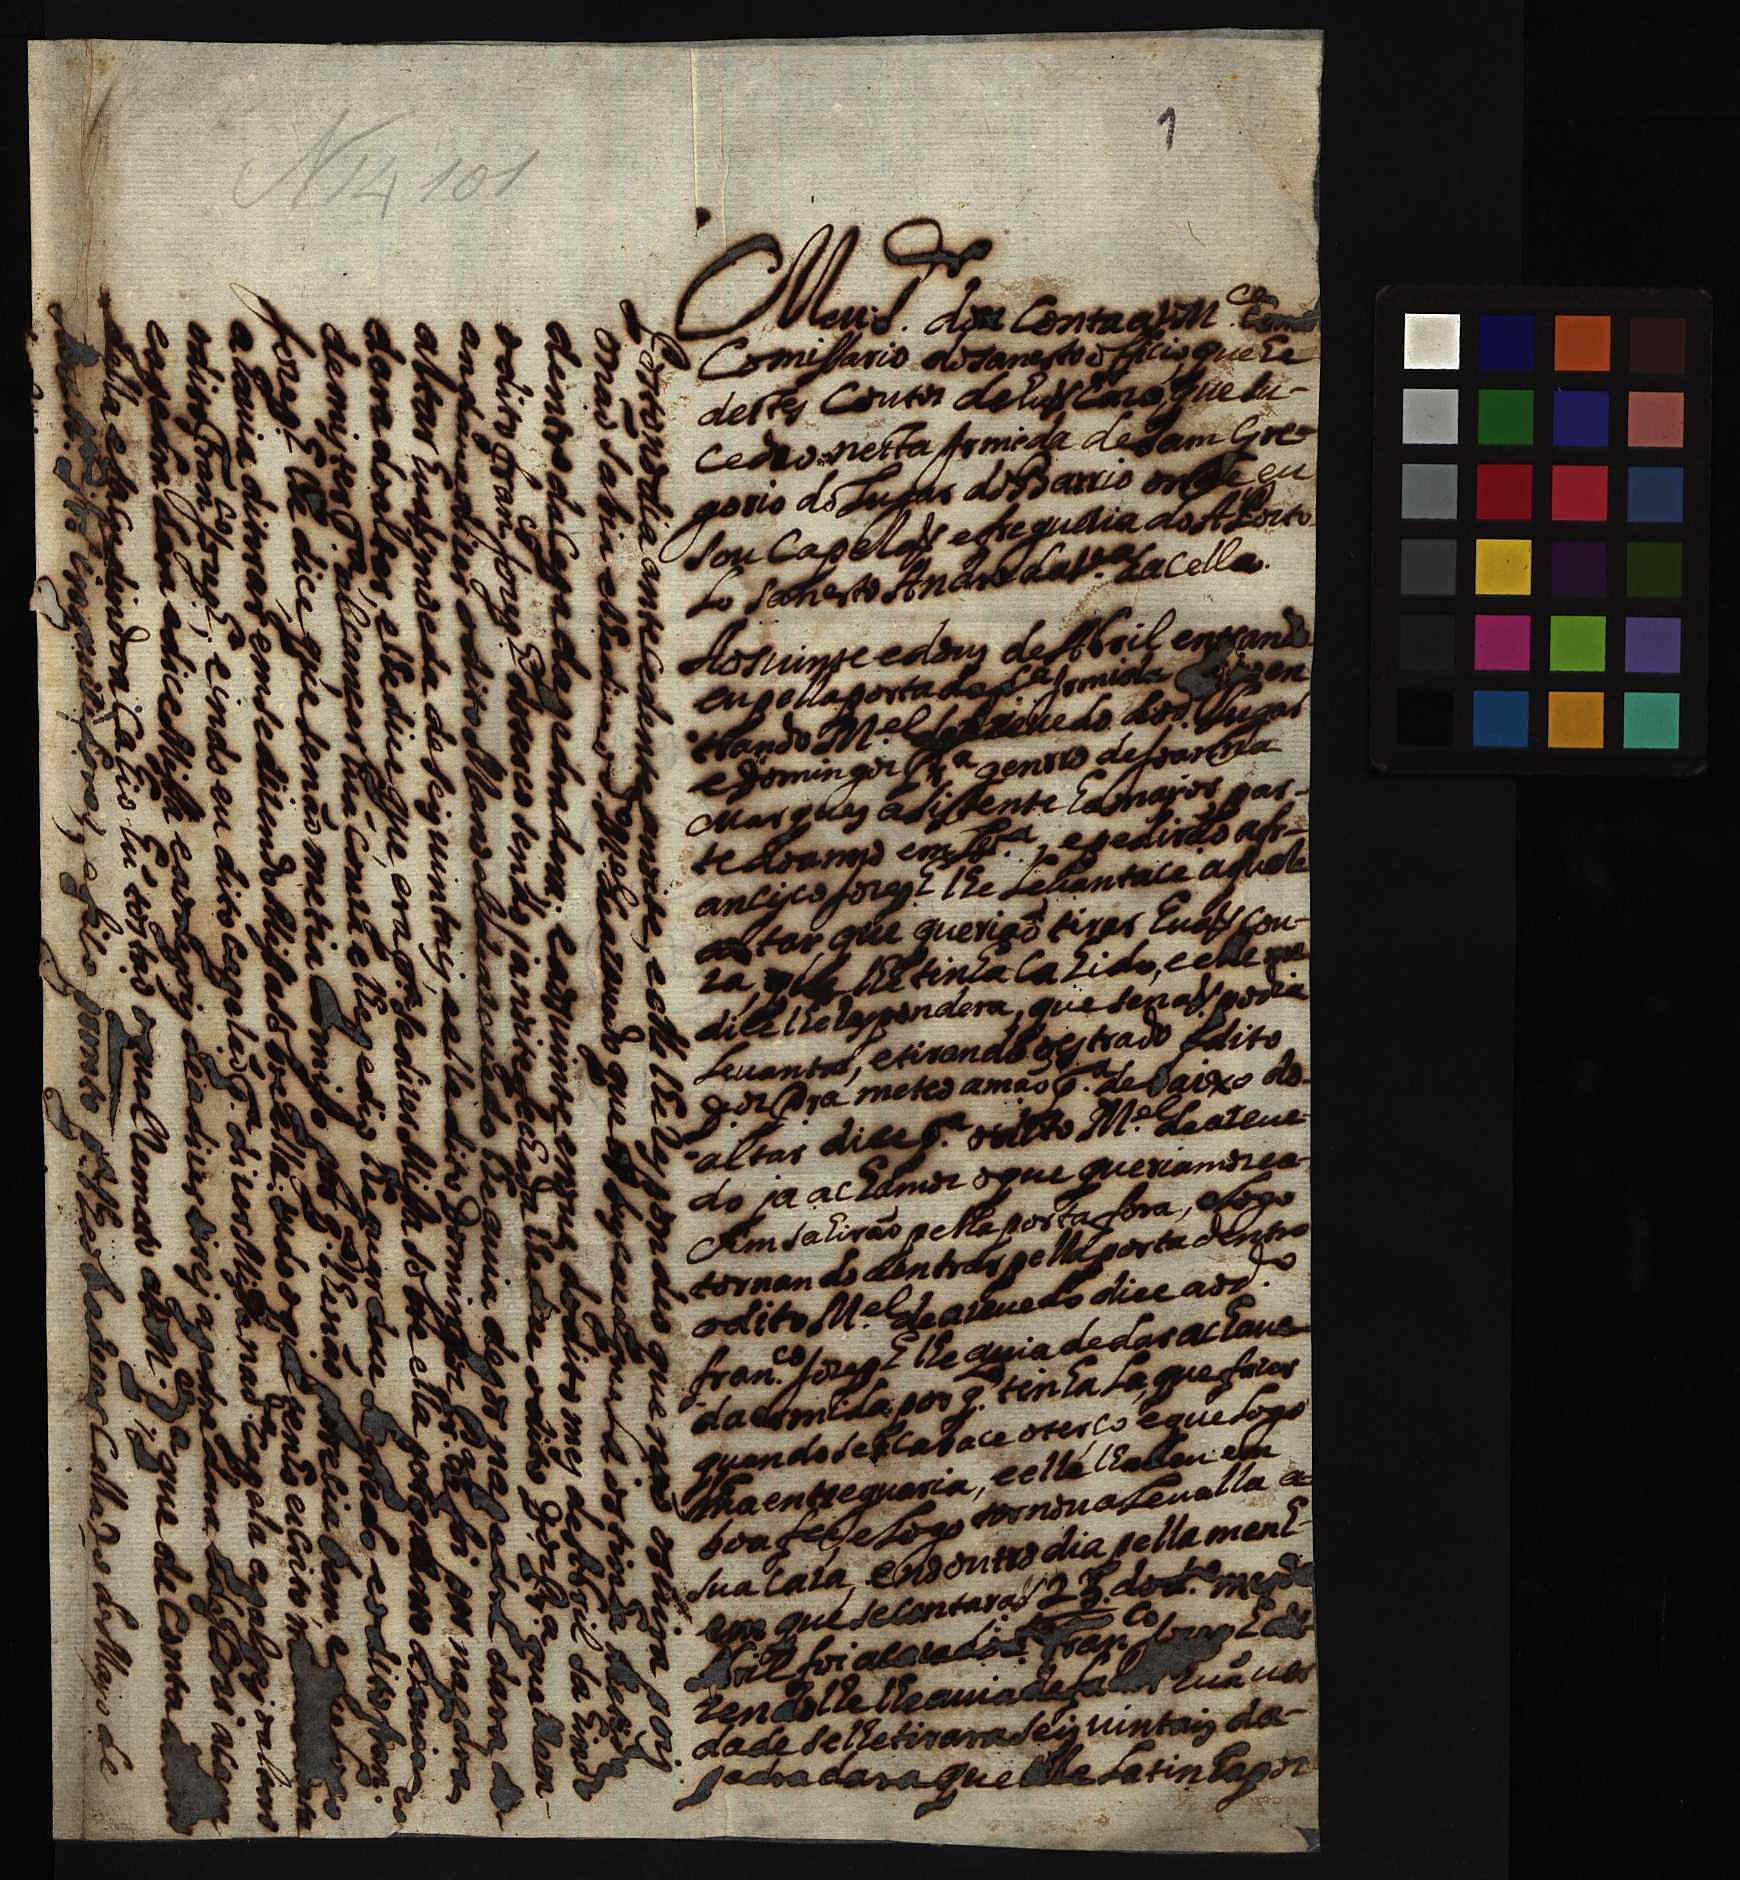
Meu s.r dou conta a VM.ce e _
Comissario do sancto officio, que he
destes Coutos de hū cazo, que su
cedeo nesta Jrmida de Sam Gre
gorio do Lugar do Barrio onde eu
sou Capelaõ e freguezia do A Porto
do Sancto Andre da V.a da cella.
Aos uinte e dous de Abril entrando
en
eu pella porta da d.a Jrmida
trando M.el de azeuedo do d. lugar
e Domingoz Pr.a genrro de Joanna
Marques asistente ha mayor par
te do anno em Lx.a, e pedindo a fr
ancisco Jozeph lhe leuantace aquele
altar, que queriaõ tirar huā cou
za, que lhe tinha cahido, e elle me
dice lhe Respondera, que se naõ podia
Leuantar, e tirando o estrado o dito
D.oz P.ra meteo a maõ p.a debaixo do
altar dice p.a o dito M.el de azeue
do ja achamoz o que queriamoz e a
Sim sahiraõ pella porta fora, e Logo
tornando a entrar pella porta dentro
o dito M.el de azeuedo dice ao d.o
fran.co Jozeph lhe auia de dar a chaue
da ermida porq.to tinha La, que fazer
quando se acabace o terço e que logo
lha entreguaria, e elle lha deu em
boa fee, e Logo tornou a Leualla a
sua caza, e no outro dia pella menh
am que se contaraõ 23. do d.o mes de
Abril foi a caza do d.o Franco Iozeph
zendolhe lhe auia de fa_ huā uer
dade se lhe tirara seis uintais da
pedra dara que elle La tinha poz
